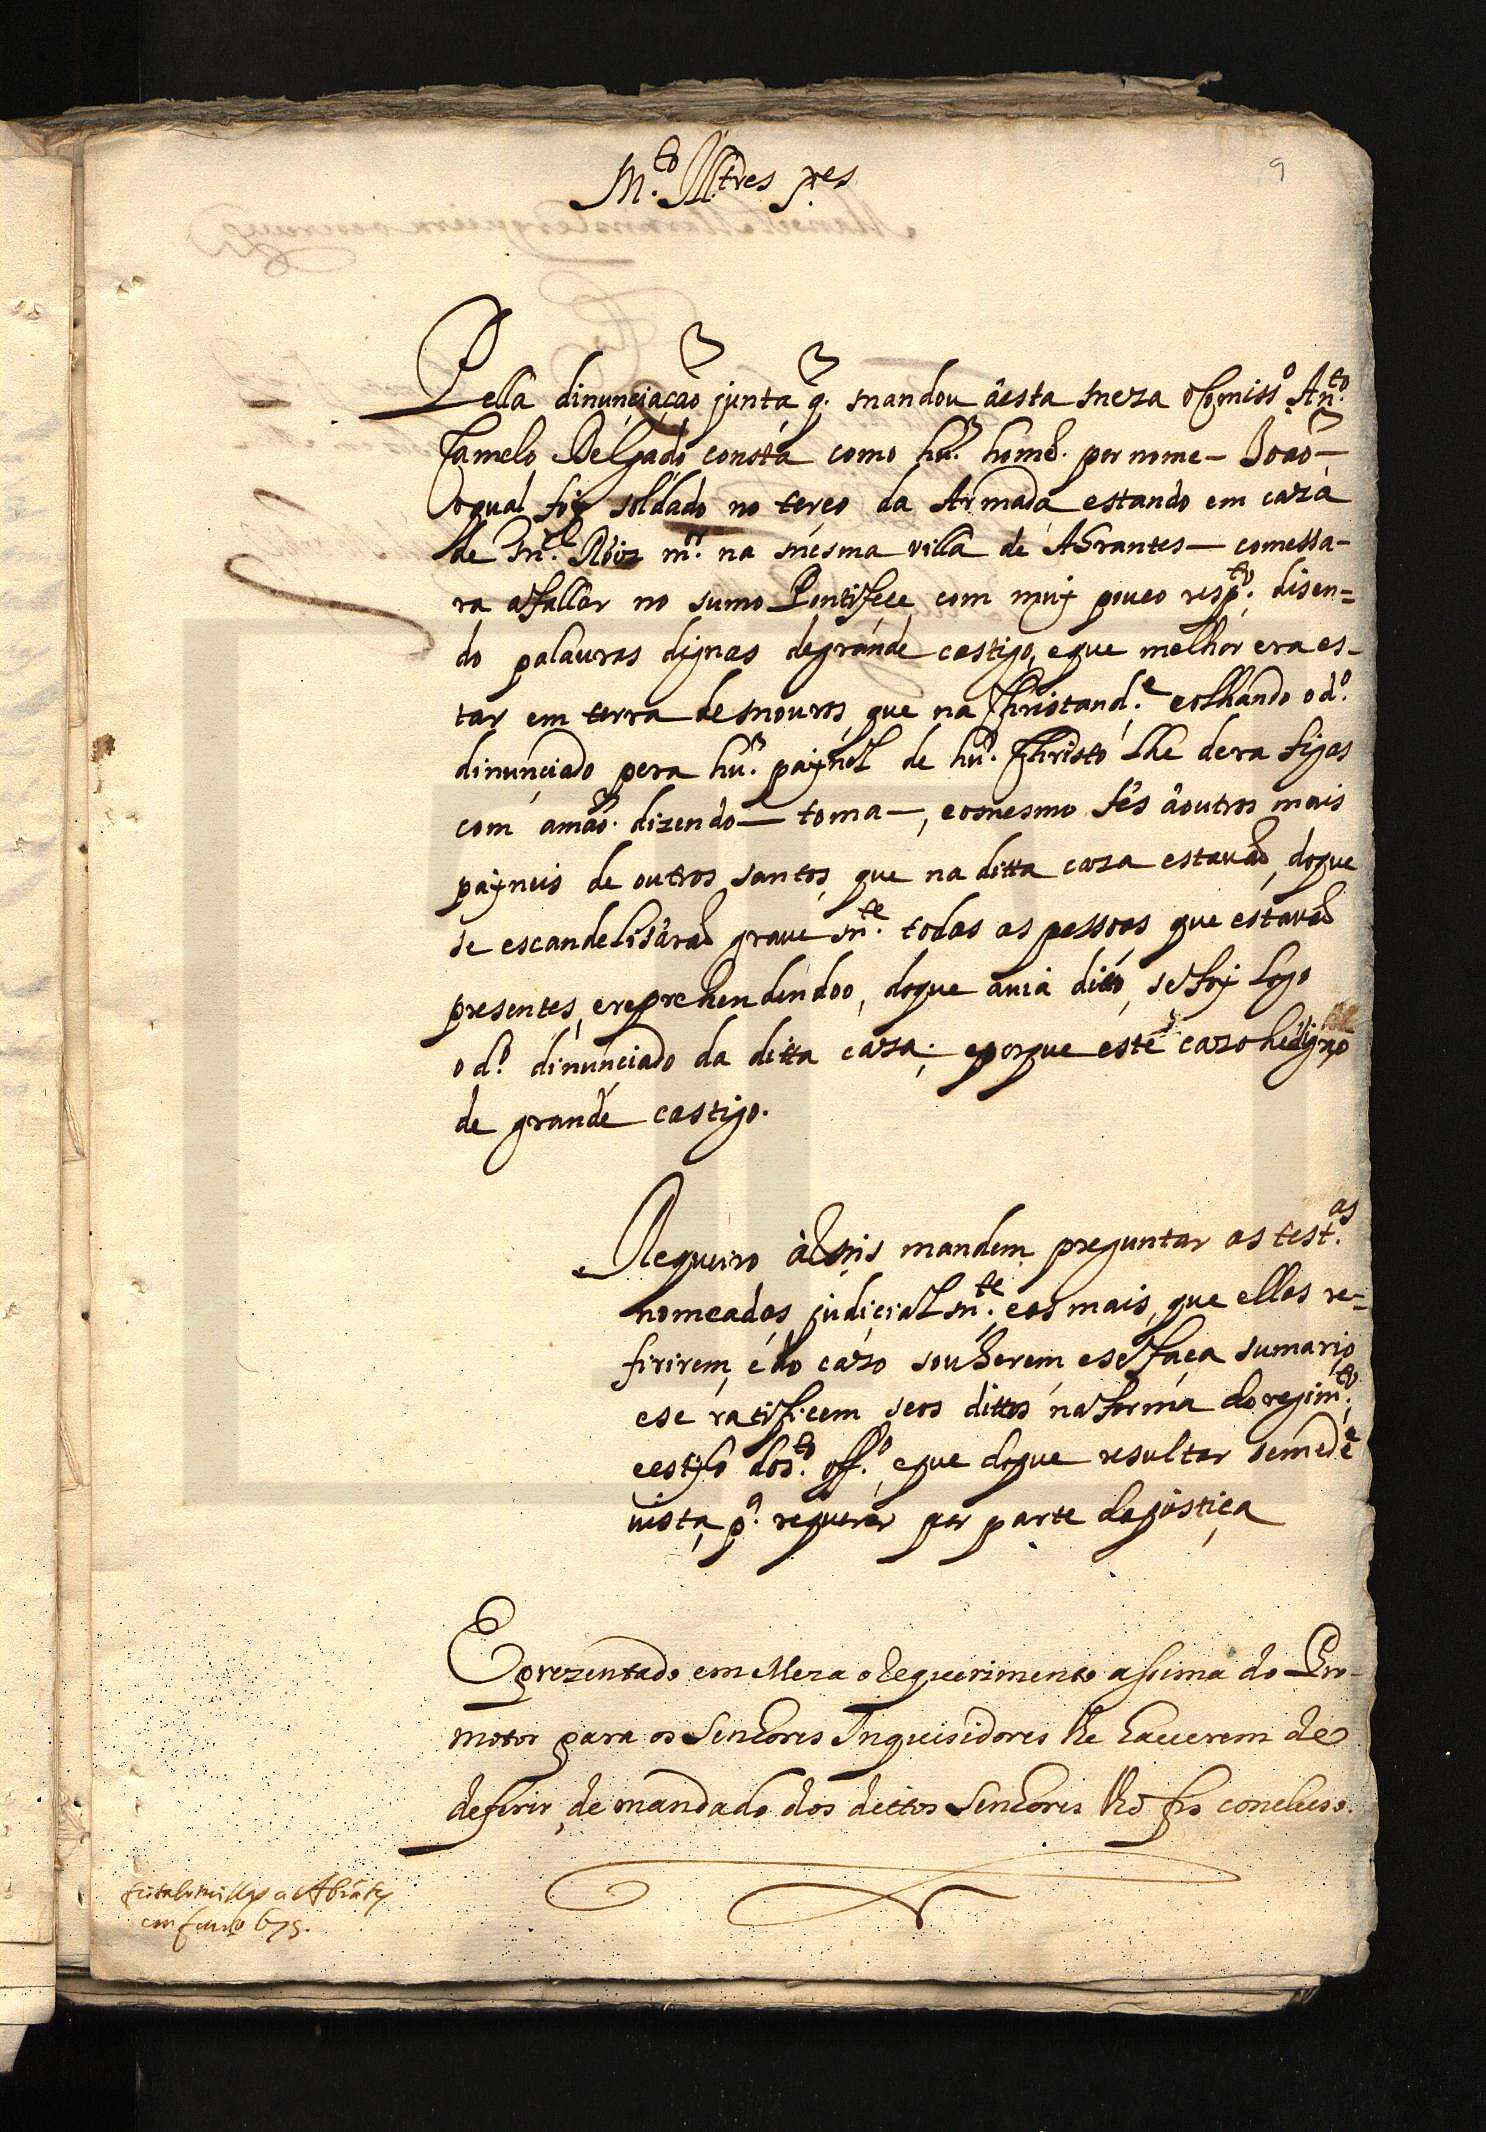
M.to Ill.res S.res
Pella dinunciaçaõ junta q̄ mandou â esta meza o Comiss.o An.to
Camelo Delgado, consta como hū homē por nome – Ioaõ –
o qual foy soldado no terço da Armada, estando em caza
de m.el Roiz̄ m.or na mesma villa de Abrantes – comessa
ra a fallar no sumo Pontifece com muy pouco resp.to disen
do palauras dignas de grande castigo, e que melhor era es
tar em terra de mouros que na Christand.e e olhando o d.o
denunciado pera hū paynel de hū Christo lhe dera figas
com a mão dizendo – toma –, e o mesmo fes á outros mais
payneis de outros santos, que na ditta caza estauão, do que
se escandelisaraõ grauem.te todas as pessoas que estauaõ
presentes, e reprehendendoo, do que auia ditto se foy Logo
o d.o dinunciado da ditta caza; e porque este cazo he digno
de grande castigo.
Requeiro a Vms mandem preguntar as test.a
nomeadas judicialm.te, e as mais, que elles re
firirem, e do caso souberem, e se faça sumario
e se ratificem seos dittos na forma do regim.to
e estilo do s.to off.o, e que do que resultar se me de
uista p.a requerer por parte da justiça
E prezentado em Meza o Requerimento assima do Pro
motor para os Senhores Inquisidores lhe hauerem de
deferir de mandado dos dittos Senhores lho fis concluso.
feita comissaõ a Abrātes
em feuro 675.
